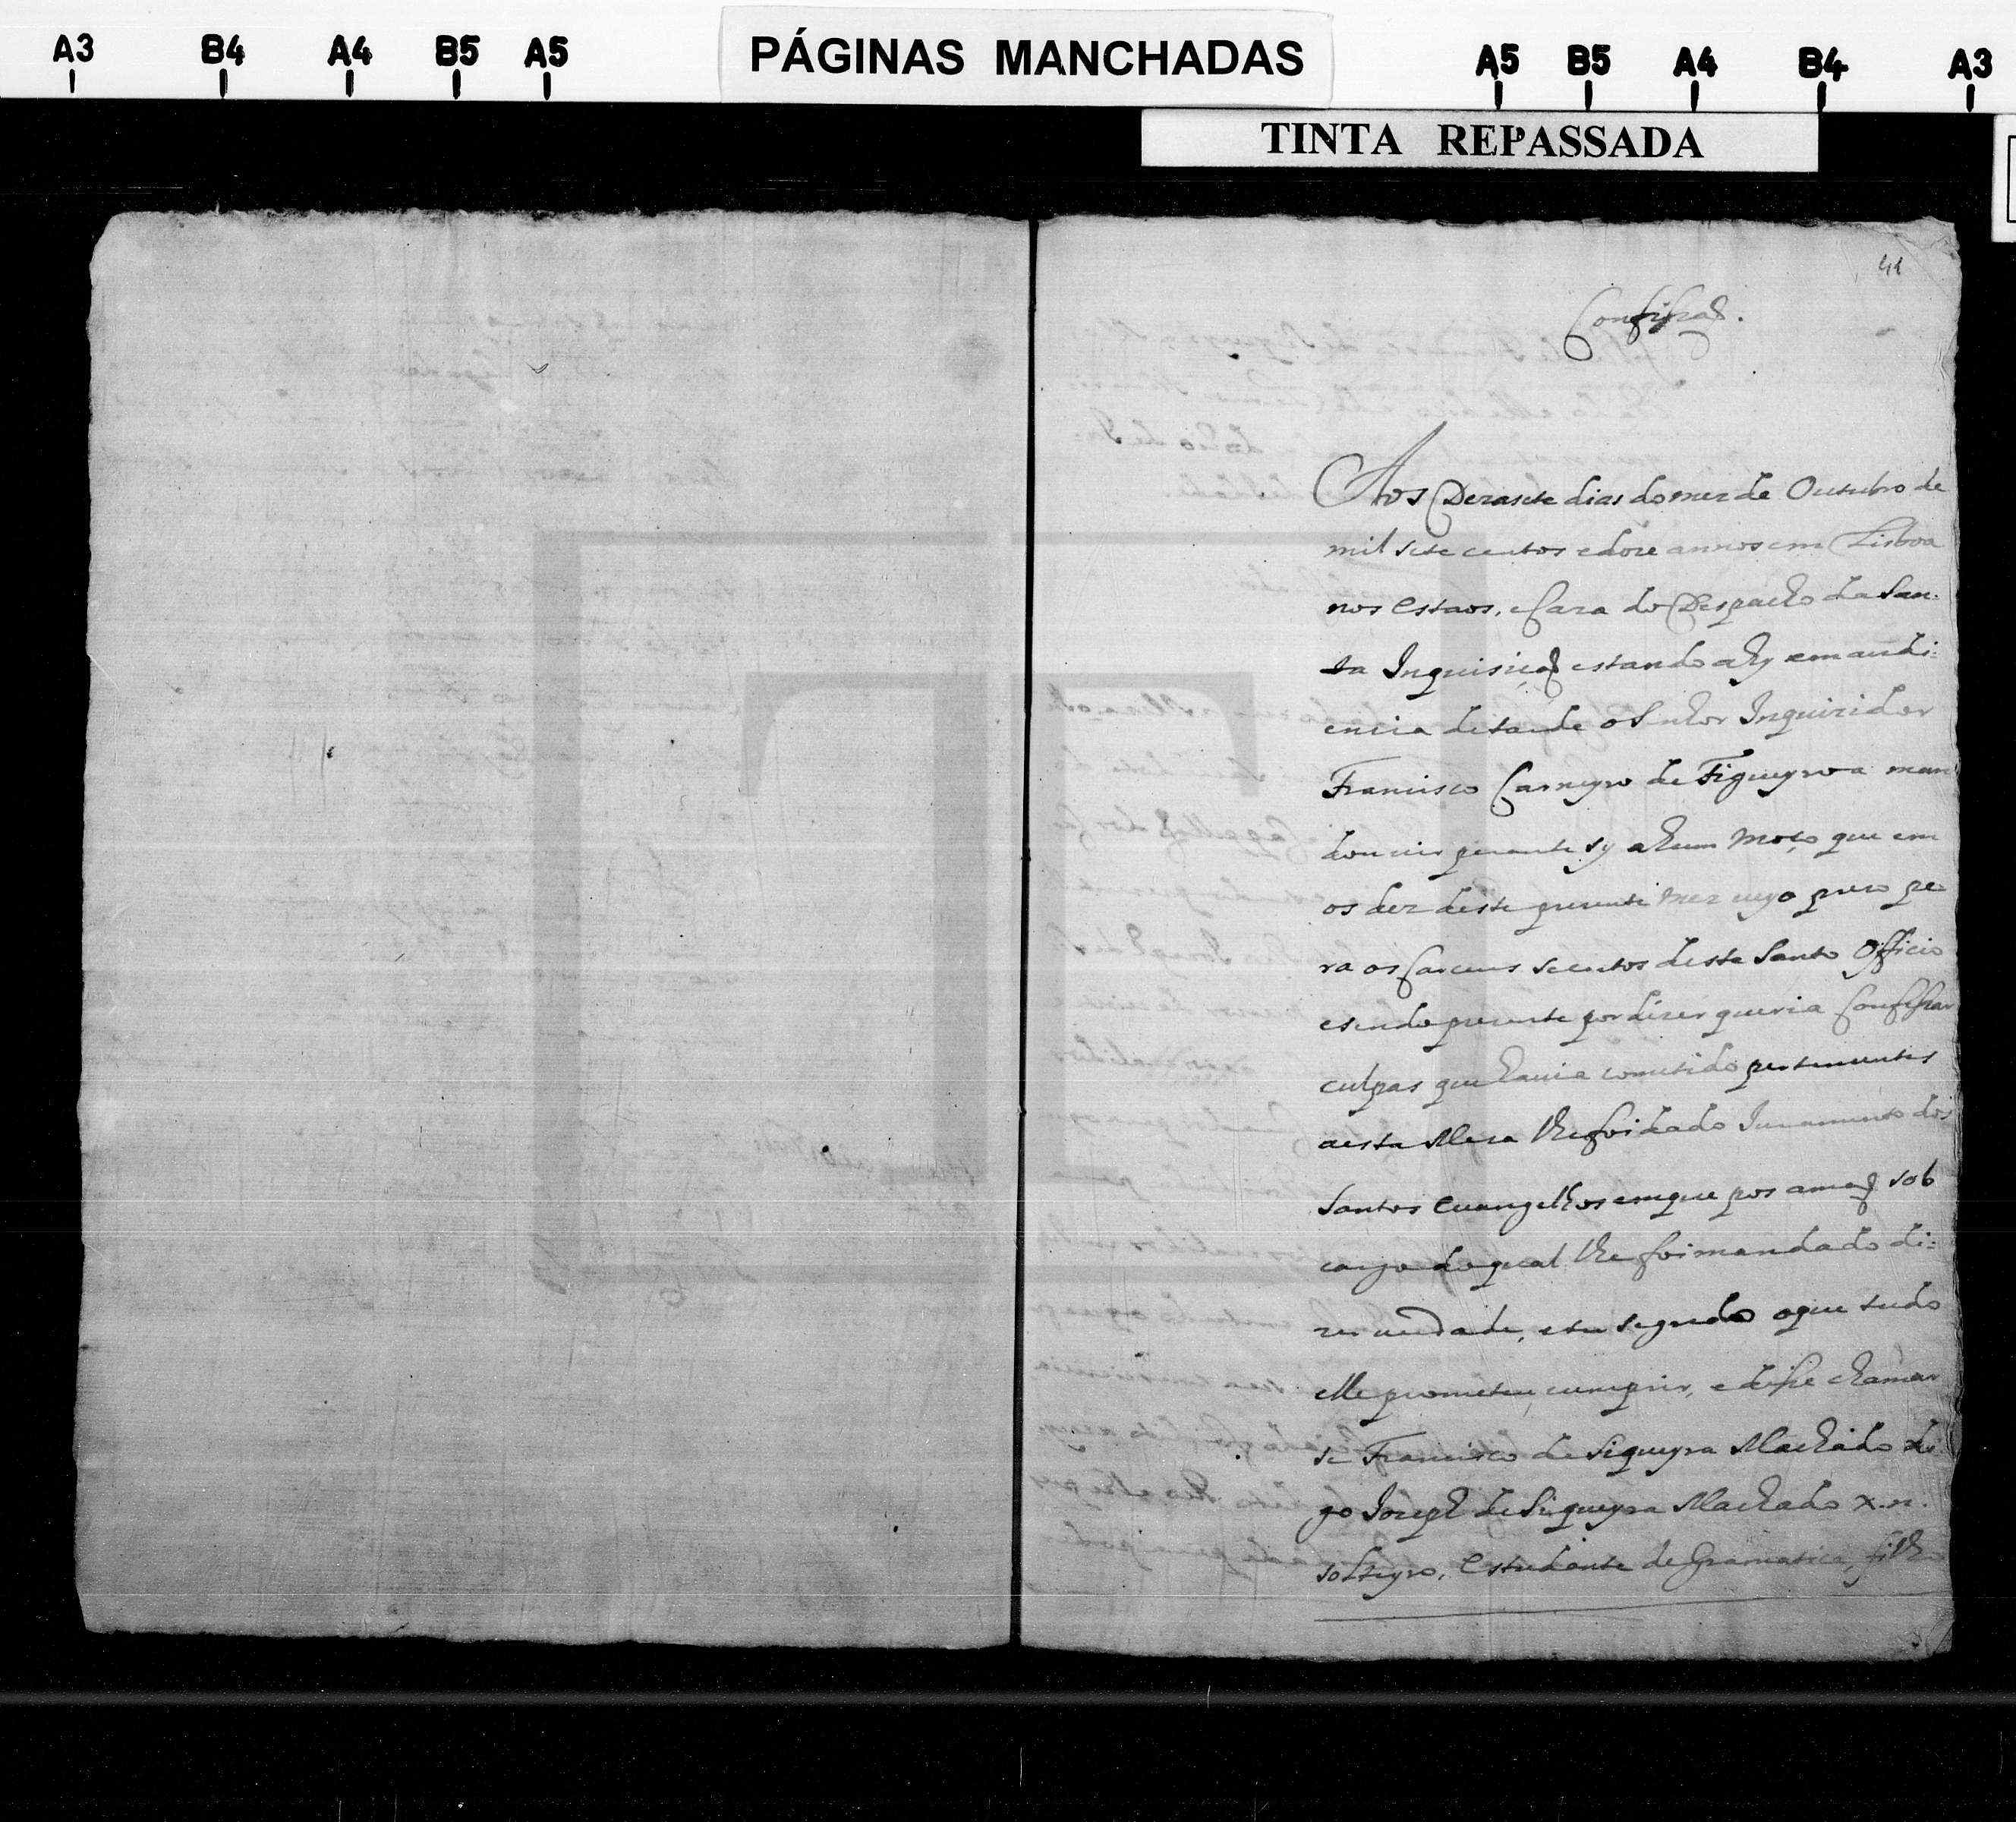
Confissaõ
Aos Dezasete dias do mez de Outubro de
mil e setecentos e doze annos em Lisboa
nos estaos, e Caza do Despacho da san
ta Inquisiçaõ estando ahy em audi
encia de tarde o Senhor Inquizidor
Francisco Carneyro de Figueyroa man
dou uir perante sy a hum moço que em
os dez deste prezente mez veyo prezo pe
ra os Carceres secretos deste santo officio
e sendo prezente por dizer queria Confessar
culpas que hauia cometido pertencentes
a esta Meza lhe foi dado Iuramento dos
santos euangelhos em que pos a maõ sob
cargo do qual lhe foi mandado di
zer uerdade, e ter segredo o que tudo
elle prometeu cumprir, e disse chamar
se Francisco de siqueyra Machado di
go Iozeph de Siqueyra Machado x. n.
solteyro, estudante de Gramatica, filh
